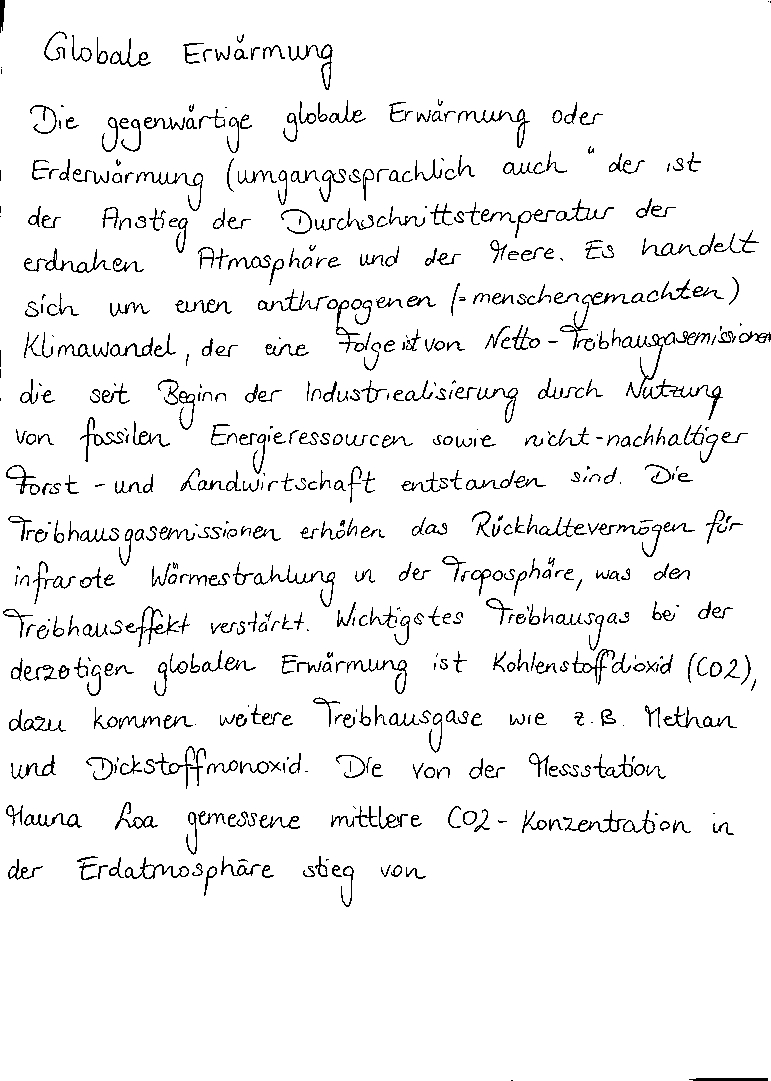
Globale Erwärmung
Die gegenwärtige globale Erwärmung oder
Erderwärmung (umgangssprachlich auch" der ist
der Anstieg der Durchschnittstemperatur der
erdnahen Atmosphäre und der Meere. Es handelt
sich um einen anthropogenen (= menschengemachten)
Klimawandel, der eine Folge ist von Netto-Treibhausgasemissionen,
die seit Beginn der Industrialisierung durch Nutzung
von fossilen Energieressourcen sowie nicht-nachhaltiger
Forst-und Landwirtschaft entstanden sind Die
Treibhausgasemissionen erhöhen das Rückhaltevermögen für
infrarote Wärmestrahlung in der Troposphäre, was den
Treibhauseffekt verstärkt. Wichtigstes Treibhausgas bei der
derzeitigen globalen Erwärmung ist Kohlenstoffdioxid (C02),
dazu kommen weitere Treibhausgase wie zB Methan
und Distickstoffmonoxid. Die von der Messstation
Mauna Loa gemessene mittlere CO2-Konzentration in
der Erdatmosphäre stieg von
